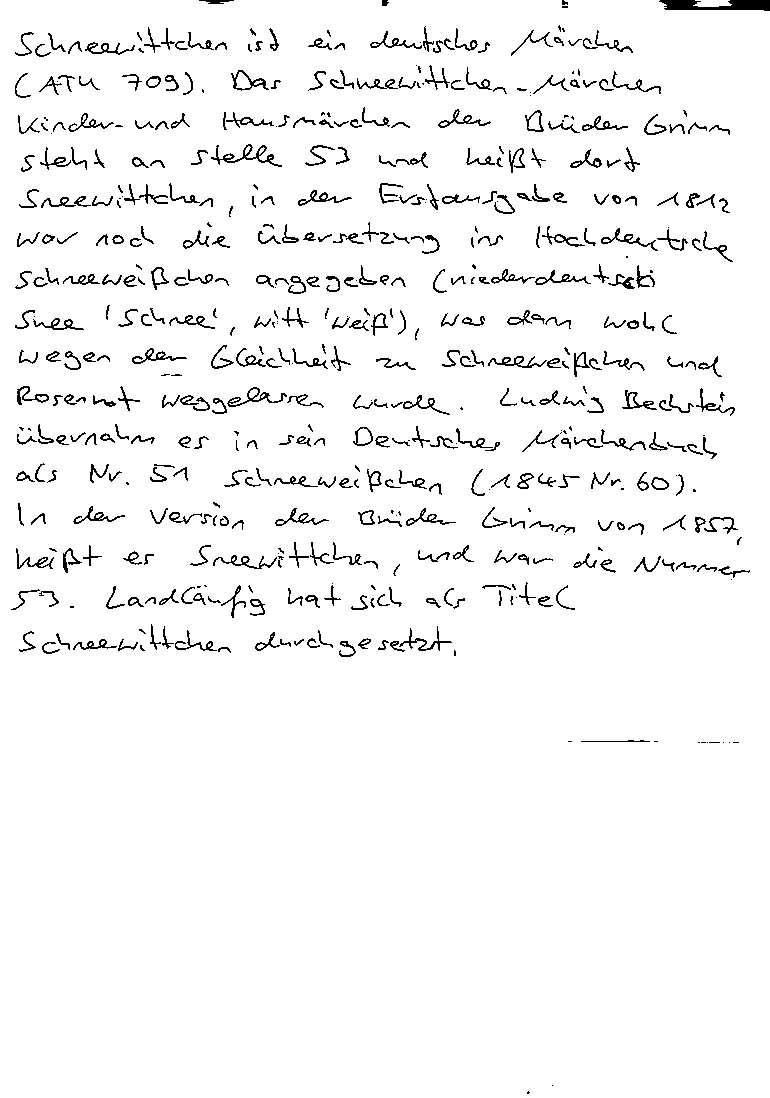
Schneewittchen ist ein deutsches Märchen
(ATU 709). Das Schneewittchen-Märchen
Kinder- und Hausmärchen der Brüder Grimm
steht an Stelle 53 und heißt dort
Sneewittchen, in der Erstausgabe von 1812
war noch die Übersetzung ins Hochdeutsche
Schneeweißchen angegeben (niederdeutsch
Snee "Schnee", witt "weiß"), was dann wohl
wegen der Gleichheit zu Schneeweißchen und
Rosenrot weggelassen wurde. Ludwig Bechstein
übernahm es in sein Deutsches Märchenbuch
als Nr. 51 Schneeweißchen (1845 Nr. 60).
In der Version der Brüder Grimm von 1857,
heißt es Sneewittchen, und war die Nummer
53. Landläufig hat sich als Titel
Schneewittchen durchgesetzt.
